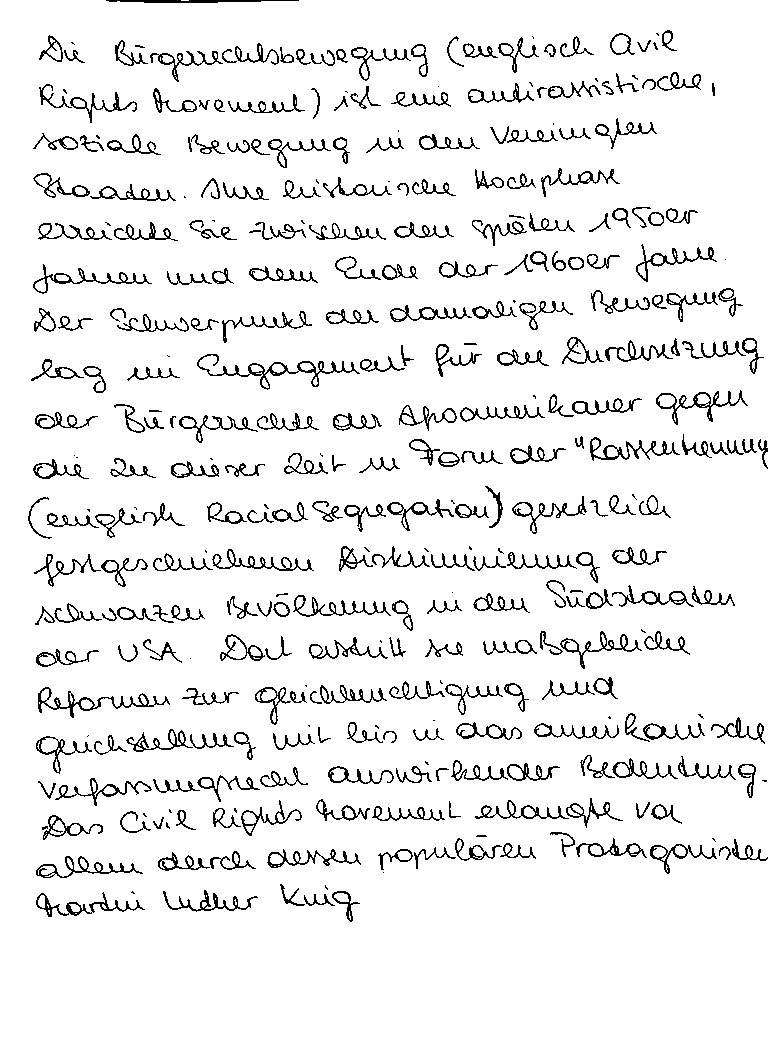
Die Bürgerrechtsbewegung (englisch Civil
Rights Movement) ist eine antirassistische
soziale Bewegung in den Vereinigten
Staaten. Ihre historische Hochphase
erreichte sie zwischen den späten 1950er
Jahren und dem Ende der 1960er Jahre.
Der Schwerpunkt der damaligen Bewegung
lag im Engagement für die Durchsetzung
der Bürgerrechte der Afroamerikaner gegen
die zu dieser Zeit in Form der "Rassentrennung
(englisch Racial Segregation) gesetzlich
festgeschriebenen Diskriminierung der
schwarzen Bevölkerung in den Südstaaten
der USA. Dort erstritt sie maßgebliche
Reformen zur Gleichberechtigung und
Gleichstellung mit bis in das amerikanische
Verfassungsrecht auswirkender Bedeutung.
Das Civil Rights Movement erlangte vor
allem durch dessen populären Protagonisten
Martin Luther King
